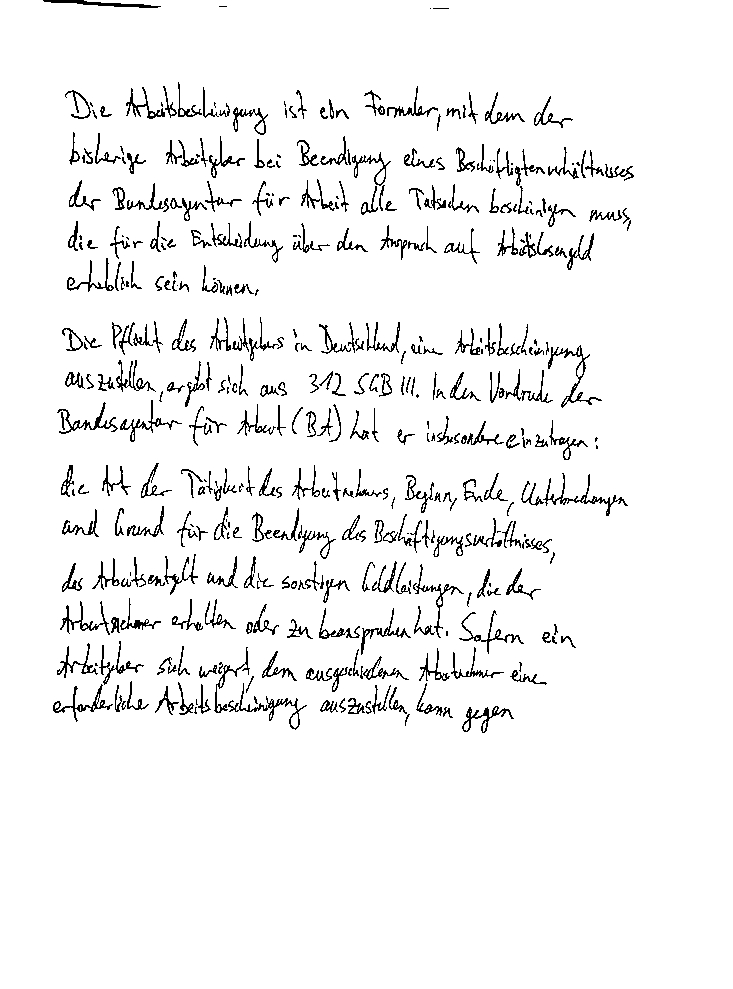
Die Arbeitsbescheinigung ist ein Formular, mit dem der
bisherige Arbeitgeber bei Beendigung eines Beschäftigungsverhältnisses
der Bundesagentur für Arbeit alle Tatsachen bescheinigen muss,
die für die Entscheidung über den Anspruch auf Arbeitslosengeld
erheblich sein können.
Die Pflicht des Arbeitgebers in Deutschland, eine Arbeitsbescheinigung
auszustellen, ergibt sich aus 312 SGB III. In den Vordruck der
Bundesagentur für Arbeit (BA) hat er insbesondere einzutragen:
die Art der Tätigkeit des Arbeitnehmers, Beginn, Ende, Unterbrechungen
und Grund für die Beendigung des Beschäftigungsverhältnisses,
das Arbeitsentgelt und die sonstigen Geldleistungen, die der
Arbeitnehmer erhalten oder zu beanspruchen hat. Sofern ein
Arbeitgeber sich weigert, dem ausgeschiedenen Arbeitnehmer eine
erforderliche Arbeitsbescheinigung auszustellen, kann gegen
